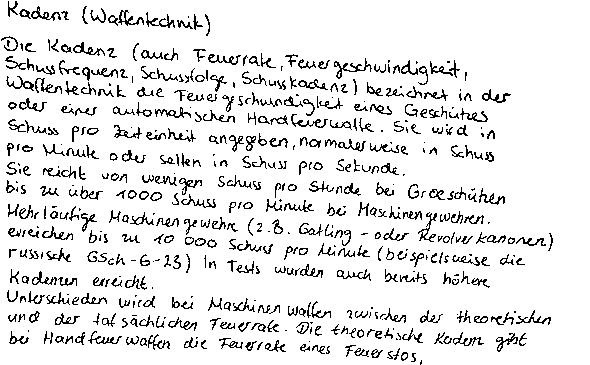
Kadenz (Waffentechnik)
Die Kadenz (auch Feuerrate Feuergeschwindigkeit,
Schussfrequenz, Schussfolge, Schusskadenz) bezeichnet in der
Waffentechnik die Feuergeschwindigkeit eines Geschützes
oder einer automatischen Handfeuerwaffe. Sie wird in
Schuss pro Zeiteinheit angegeben , normalerweise in schuss
pro Minute oder selten in Schuss pro Sekunde.
Sie reicht von wenigen Schuss pro Stunde bei Großgeschützen
bis zu über 1000 Schuss pro Minute bei Maschinengewehren.
Mehrläufige Maschinengewehre ( z. B. Gatling - oder Revolverkanonen )
erreichen bis zu 10 000 Schuss pro Minute ( beispielsweise die
russische GSch-6-23 ) In Tests wurden auch bereits höhere Kadenzen erreicht
Unterschieden wird bei Maschinenwaffen zwischen der theoretischen
und der tatsächlichen Feuerrate Die theoretische Kadenz gibt
bei Handfeuerwaffen die Feuerrate eines Feuerstoßes,
